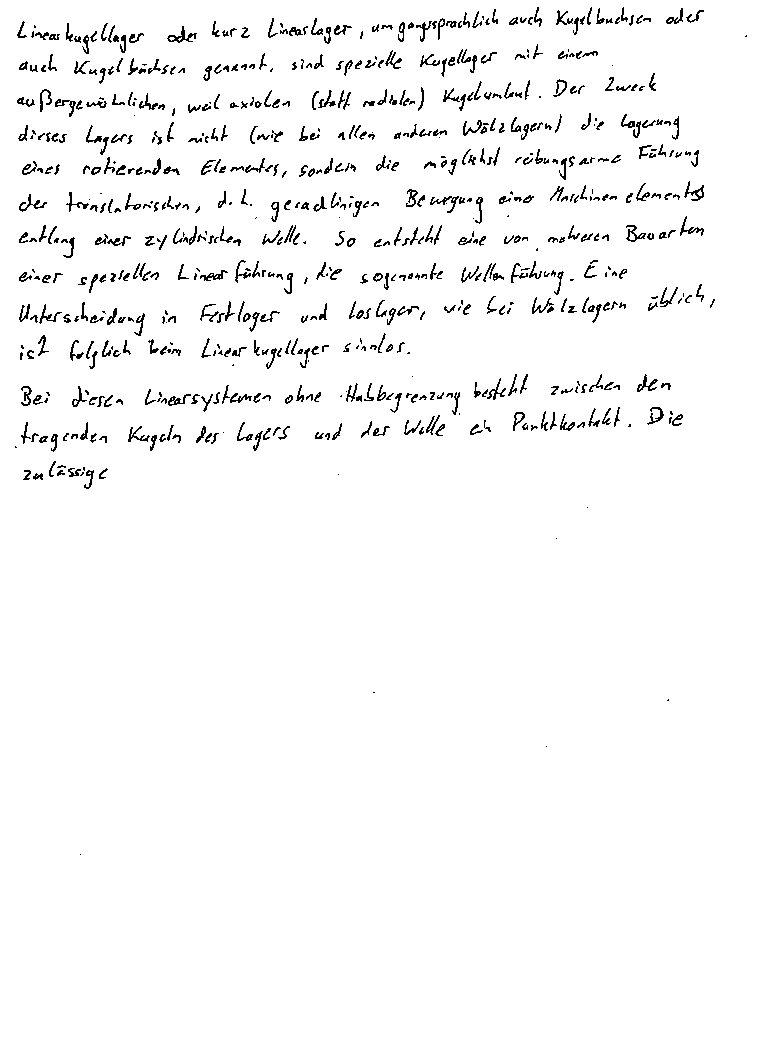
Linearkugellager oder kurz Linearlager, umgangssprachlich auch Kugelbuchsen oder
auch Kugelbüchsen genannt, sind spezielle Kugellager mit einem
außergewöhnlichen, weil axialen (statt radialen) Kugelumlauf. Der Zweck
dieses Lagers ist nicht (wie bei allen anderen Wälzlagern) die Lagerung
eines rotierenden Elementes, sondern die möglichst reibungsarme Führung
der translatorischen, d. h. geradlinigen Bewegung eines Maschinenelements
entlang einer zylindrischen Welle. So entsteht eine von mehreren Bauarten
einer speziellen Linearführung, die sogenannte Wellenführung. Eine
Unterscheidung in Festlager und Loslager, wie bei Wälzlagern üblich,
ist folglich beim Linearkugellager sinnlos.
Bei diesen Linearsystemen ohne Hubbegrenzung besteht zwischen den
tragenden Kugeln des Lagers und der Welle ein Punktkontakt. Die
zulässige
